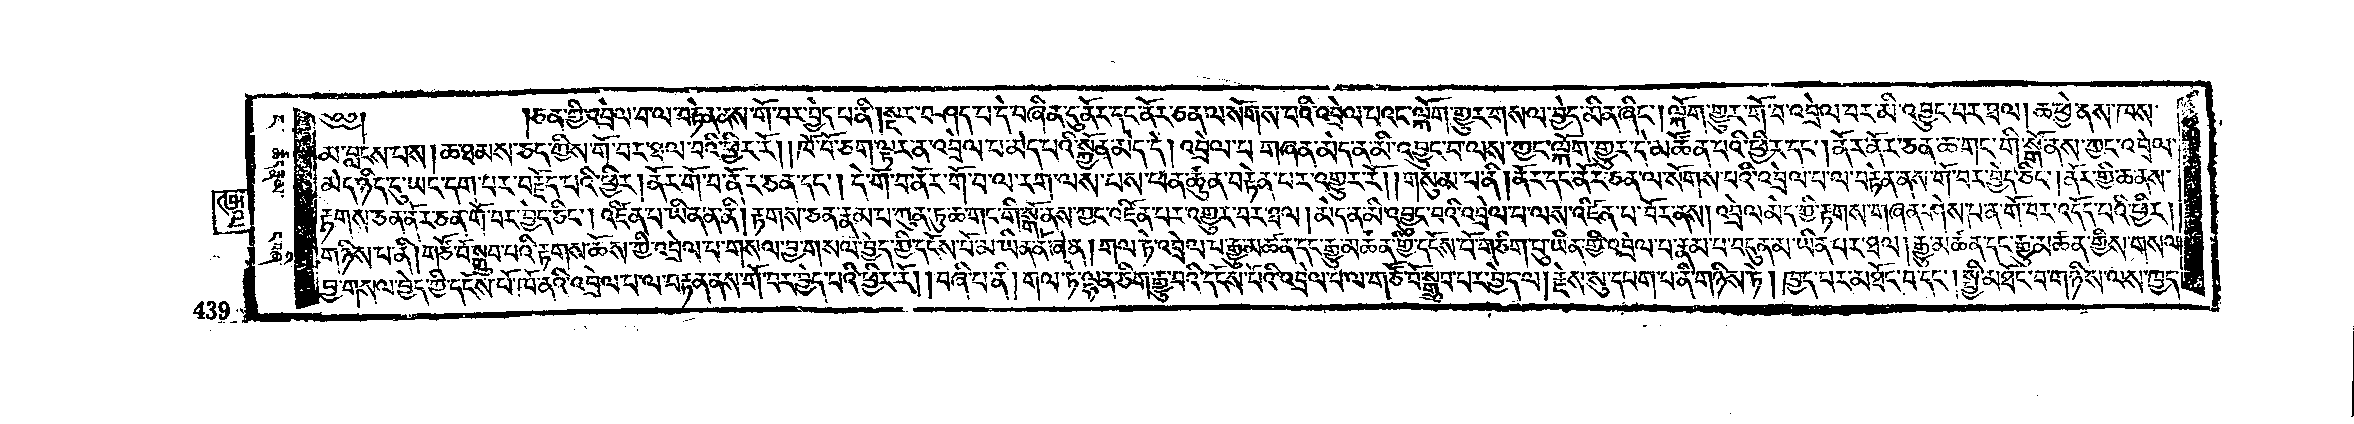༄༅། །ཅན་གྱི་འབྲེལ་བ་ལ་བརྟེན་ནས་གོ་བར་བྱེད་པ་ནི། སྔར་བཤད་པ་དེ་བཞིན་དུ་ནོར་དང་ནོར་ཅན་ལ་སོགས་པའི་འབྲེལ་བའང་ལྐོག་གྱུར་གསལ་བྱེད་མིན་ཞིང་། ལྐོག་གྱུར་གོ་བ་འབྲེལ་བར་མི་འབྱུང་བར་ཐལ། ཆ་ཕྱེ་ནས་ཁས་
མ་བླངས་པས། ཆ་ཐམས་ཅད་གྱིས་གོ་བར་ཐལ་བའི་ཕྱིར་རོ། །ཁོ་བོ་ཅག་ལྟར་ན་འབྲེལ་པ་མེད་པའི་སྐྱོན་མེད་དེ། འབྲེལ་པ་གཞན་མེད་ན་མི་འབྱུང་བ་ལས་ཀྱང་ལྐོག་གྱུར་དེ་མཚོན་པའི་ཕྱིར་དང་། ནོར་ནོར་ཅན་ཆ་གང་གི་སྒོ་ནས་ཀྱང་འབྲེལ་
མེད་ཉིད་དུ་ཡང་དག་པར་བརྗོད་པའི་ཕྱིར། ནོར་གོ་བ་ནོར་ཅན་དང་། དེ་གོ་བ་ནོར་གོ་བ་ལ་རག་ལས་པས་ཕན་ཚུན་བརྟེན་པར་འགྱུར་རོ། །གསུམ་པ་ནི། ནོར་དང་ནོར་ཅན་ལ་སོགས་པའི་འབྲེལ་པ་ལ་བརྟེན་ནས་གོ་བར་བྱེད་ཅིང་། ནོར་གྱི་ཆ་ནས་
རྟགས་ཅན་ནོར་ཅན་གོ་བར་བྱེད་ཅིང་། འཛིན་པ་ཡིན་ན་ནི། རྟགས་ཅན་རྣམ་པ་ཀུན་ཏུ་ཆ་གང་གི་སྒོ་ནས་ཀྱང་འཛིན་པར་འགྱུར་པ་ཐལ། མེད་ན་མི་འབྱུང་བའི་འབྲེལ་བ་ལས་འཛིན་པ་བོར་ནས། འབྲེལ་མེད་ཀྱི་རྟགས་གཞན་ཤེས་པ་ན་གོ་བར་འདོད་པའི་ཕྱིར།
གཉིས་པ་ནི། གཙོ་བོ་སྒྲུབ་པའི་རྟགས་ཆོས་ཀྱི་འབྲེལ་པ་གསལ་བྱ་གསལ་བྱེད་ཀྱི་དངོས་པོ་མ་ཡིན་ནོ་ཞེ་ན། གལ་ཏེ་འབྲེལ་པ་རྒྱུ་མཚན་དང་རྒྱུ་མཚན་གྱི་དངོས་པོ་གཅིག་བུ་ཡིན་གྱི་འབྲེལ་པ་རྣམ་པ་བདུན་མ་ཡིན་པར་ཐལ། རྒྱུ་མཚན་དང་རྒྱུ་མཚན་གྱིས་གསལ་
བྱ་གསལ་བྱེད་ཀྱི་དངོས་པོ་ཁོ་ནའི་འབྲེལ་པ་ལ་བརྟེན་ནས་གོ་བར་བྱེད་པའི་ཕྱིར་རོ། །བཞི་པ་ནི། གལ་ཏེ་ལྷན་ཅིག་རྒྱུ་བའི་དངོས་པོའི་འབྲེལ་པ་ལ་གཙོ་བོ་སྒྲུབ་པར་བྱེད་ལ། རྗེས་སུ་དཔག་པ་ནི་གཉིས་ཏེ། ཁྱད་པར་མཐོང་བ་དང་། སྤྱིར་མཐོང་བ་གཉིས་ལས་ཁྱད་